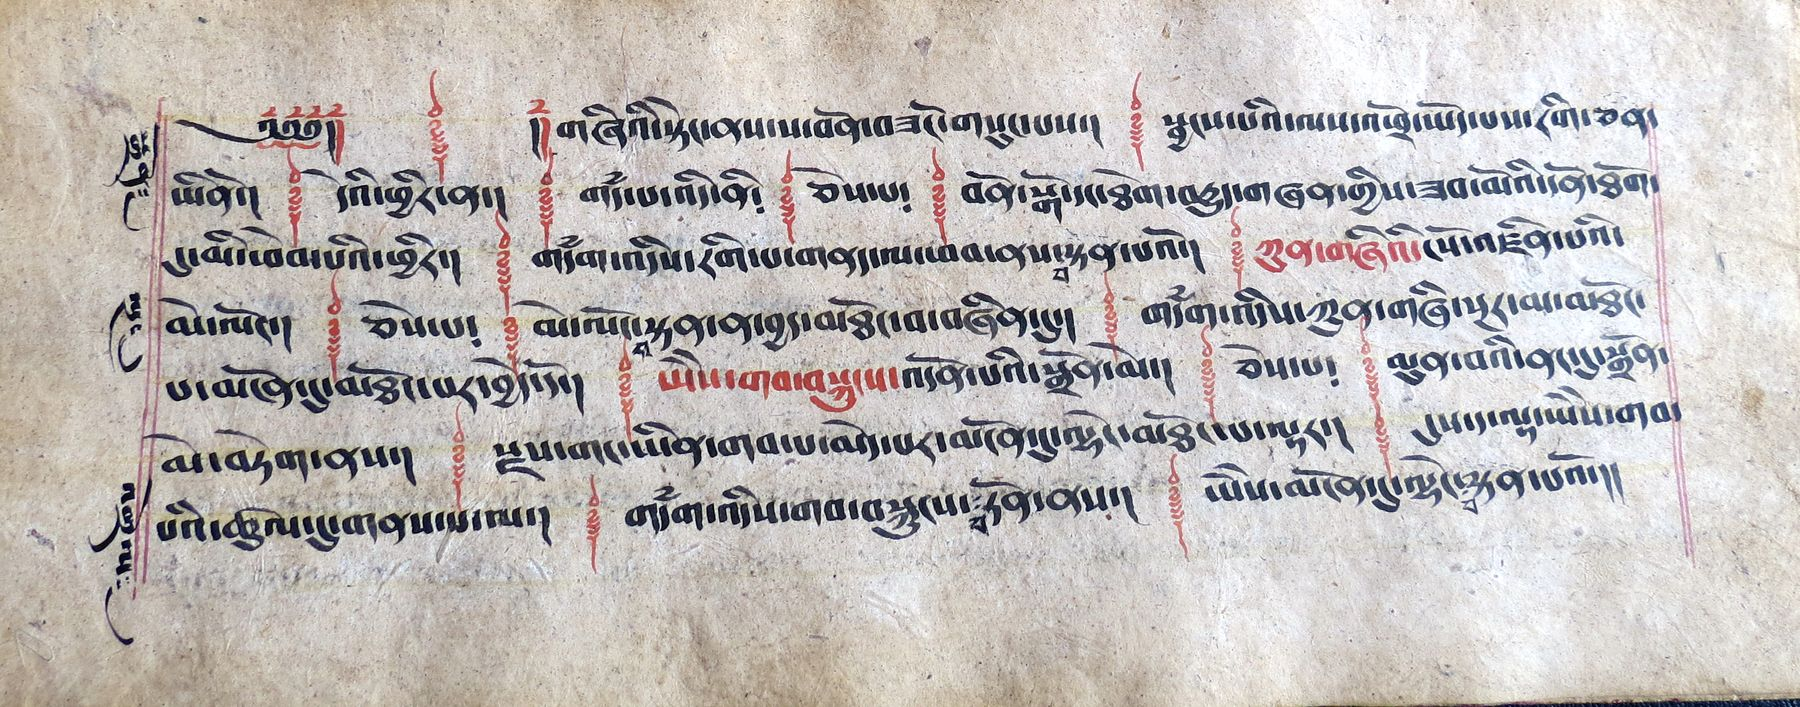གཞིའི་སྟེང་ནས་ས་བོན་བཟང་ངོ་གསུངས་པས། སྦྱངས་པའི་ལས་འཕྲོ་ཡོད་པའི་རིགས་ཅན་
ཡིན་ནོ། །དེའི་ཕྱིར་ན། གདམས་པ་འདི་ནི། ཞེས་པས། བོན་སྒོ་དང་ཐེག་རྒྱུད་གཞན་གྱིས་ཟབ་མོའི་དོན་ཐོག་
ཏུ་མི་ཕེབས་པའི་ཕྱིར། གདམས་ངག་འདིས་རིག་པ་གནད་ལ་ཕབ་ནས་སྟོན་པའོ། །ཀུན་གཞི་ངོས་འཛིན་པའི་
མེ་ལོང་། །ཞེས་པས། མེ་ལོང་བསྟན་ན་བྱད་མཐོང་པ་བཞིན་དུ། གདམས་ངག་འདིས་ཀུན་གཞི་སྔར་མ་མཐོང་
པ་མངོན་དུ་མཐོང་པར་བྱེད་དོ། །ཡེ་ཤེས་གབ་སྐུངས་འདོན་པའི་སྒྲོན་མེ། །ཞེས་པས། མུན་པའི་ནང་དུ་སྒྲོན་
མེ་བཏེག་ན། རྫས་གང་ཡིན་གབ་པ་མེད་པར་མངོན་དུ་ལྷང་ངེར་མཐོང་བ་ལྟར། དུས་ད་ལྟ་ཡེ་ཤེས་གབ་
པའི་ཚུལ་དུ་གནས་པ་ལ། གདམས་ངག་འདིས་གབ་སྐུངས་སྟོན་ནས། ཡེ་ཤེས་མངོན་དུ་ལྷང་ངེར་སྟོན་པའོ། །